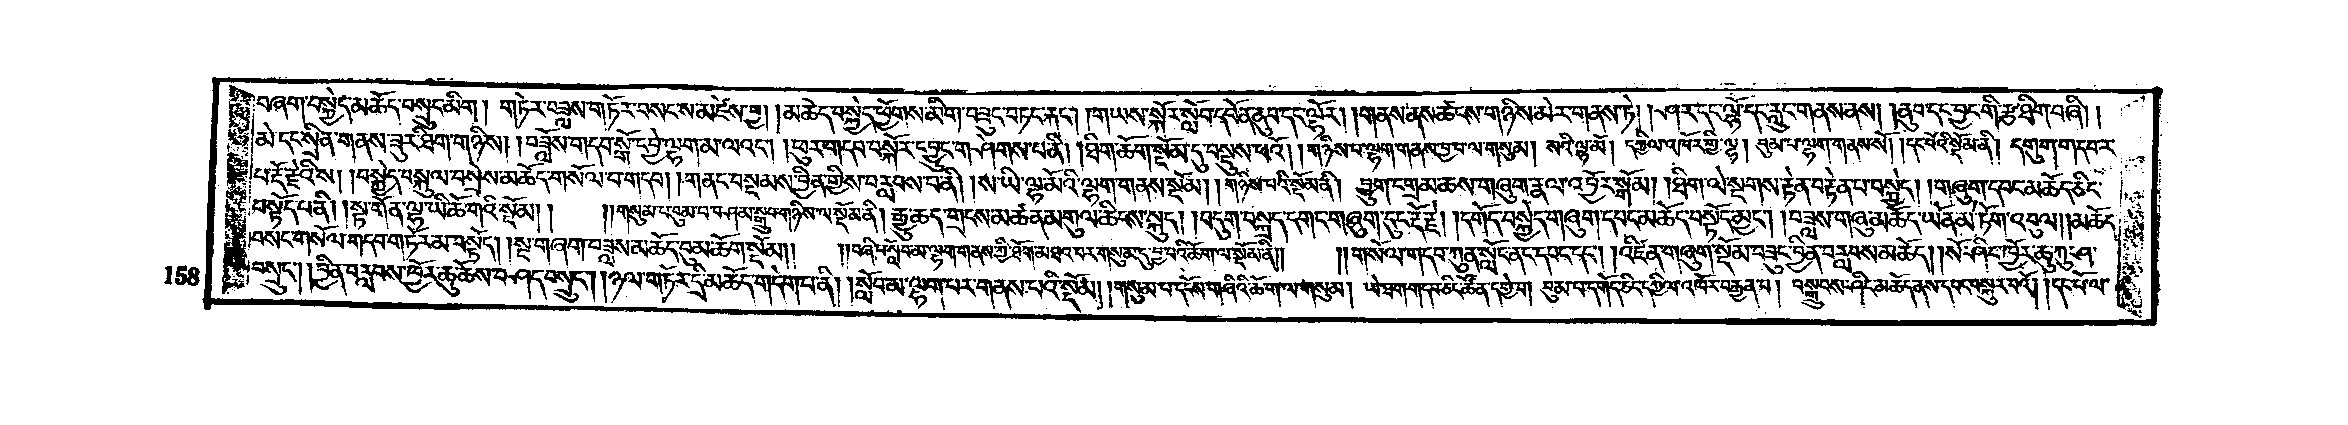བཞག་བསྐྱེད་མཆོད་བསྲུང་མིག །གཏོར་བཟླས་གཏོར་བསང་ས་མཛེས་བྱ། །མཆོད་བསྐྱེད་ཕྱོགས་མིག་བཟུང་བཏང་རྐང་། །གཡས་སྐོར་སློབ་དཔོན་ནུབ་དང་ལྷོར། །གནས་ནས་ཚངས་གཉིས་མེར་གནས་ཏེ། །ཤར་དང་ལྷོ་དང་རླུང་གནས་ནས། །ནུབ་དང་བྱང་གི་རྩ་ཐིག་བཞི། །
མེ་དང་སྲིན་གནས་ཟུར་ཐིག་གཉིས། །བཟློས་གདབ་སྒོ་དབྱེ་ལྷག་མ་ལའང་། །ཕུར་གདབ་བསྐོར་དབྱུང་གཤེགས་པ་ནི། །ཐིག་ཆོག་སྡོམ་དུ་བསྡུས་པའོ། །གཉིས་པ་ལྷག་གནས་བྱ་བ་ལ་གསུམ། སའི་ལྷ་མོ། དཀྱིལ་འཁོར་གྱི་ལྷ། བུམ་པ་ལྷག་གནས་སོ། །དང་པོའི་སྡོམ་ནི།  དགུག་གདབ་ར་
པ་རྡོ་རྗེའི་ས། །བསྐྱེད་བསྐུལ་བསྲེས་མཆོད་གསོལ་བ་གདབ། །གནང་བསྡམས་བྱིན་གྱིས་བརླབས་པ་ནི། །ས་ཡི་ལྷ་མོའི་ལྷག་གནས་སྡོམ། །གཉིས་པའི་སྡོམ་ནི།  བྱུག་དགྲམ་ཆས་གཞུག་རྣལ་འབྱོར་སྒོམ། །ཐིག་ལེ་སྔགས་རྟེན་བརྟེན་པ་བསྐྱེད། །གཞུག་དབང་མཆོད་ཅིང་
བསྟོད་པ་ནི། །སྟ་གོན་ལྷ་ཡི་ཆོ་གའི་སྡོམ།། །།གསུམ་པ་བུམ་པ་བཤམ་སྒྲུབ་གཉིས་ལ་སྡོམ་ནི།  རྒྱུ་ཚད་གྲངས་མཚན་མགུལ་ཆིངས་སྐུད། །བདུག་བསྐྲད་དགང་གཞུང་དུང་རྡོ་རྗེ། །དགོད་བསྐྱེད་གཞུག་དབང་མཆོད་བསྟོད་མྱང་། །བཟླས་གཞུ་མཆོད་ཡོན་མེ་ཏོག་འབུལ། །མཆོད་
བསང་གསོལ་གདབ་གཏོར་མ་བསྟོད། །སྔ་གཞག་བཟླས་མཆོད་བུམ་ཆོག་སྡོམ།། །།བཞི་པ་སློབ་མ་ལྷག་གནས་ཀྱི་ཐོག་མཐའ་བར་གསུམ་དུ་བྱ་བའི་ཆོ་ག་ལ་སྡོམ་ནི།།  །།གསོལ་གདབ་ཀུན་སློང་ནང་དབང་དང་། །འཛིན་གཞུག་སྡོམ་བཟུང་བྱིན་བརླབས་མཆོད། །སོ་ཤིང་ཁྱོར་ཆུ་ཀུ་ཤ་
བསྲུང་། །བྱིན་བརླབས་ཁྱོར་ཆུ་ཆོས་བཤད་བསྲུང་། །ཉལ་གཏོར་དྲི་མཆོད་གདེག་པ་ནི། །སློབ་མ་ལྷག་པར་གནས་པའི་སྡོམ། །གསུམ་པ་དངོས་གཞིའི་ཆོ་ག་ལ་གསུམ། ཡེ་ཐིག་གདབ་ཅིང་ཚོན་དགྱེ་བ། བུམ་པ་དགོད་ཅིང་དཀྱིལ་འཁོར་བརྒྱན་པ། བསྒྲུབས་ཤིང་མཆོད་ནས་དབང་བསྐུར་བའོ། །དང་པོ་ལ